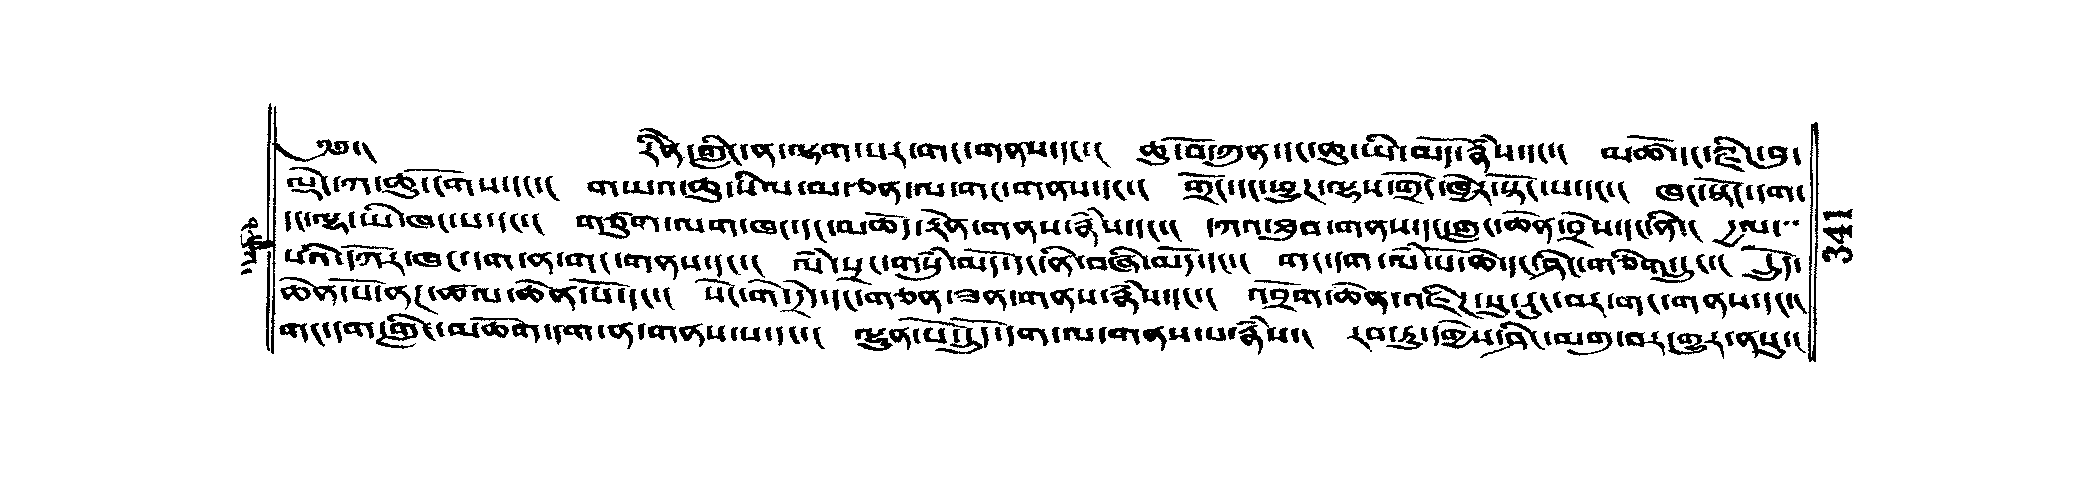།རིན་ཆེན་གླིང་ན་ལྷག་པར་གང་གནས་དང་། །ཆུ་བོ་ཀུན་དང་ཆུ་ཡི་མདོ་རྣམས་དང་། །མཚོ་དང་རྫིང་བུ་
ལྡེང་ཀ་ཆུ་ངོགས་དང་། །གཡའ་ཆུ་སིལ་མ་ཅན་ལ་གང་གནས་དང་། །གྲོང་དང་ཕྱུགས་ལྷས་གྲོང་ཁྱེར་སྟོང་པ་དང་། །ཁང་སྟོང་དག་
དང་ལྷ་ཡི་ཁང་པ་དང་། །གཙུག་ལྷག་ཁང་དང་མཆོད་རྟེན་གནས་རྣམས་དང་། །དཀའ་ཐུབ་གནས་དང་གླང་ཆེན་བྲེས་དང་ནི། །རྒྱལ་
པོའི་དཀོར་ཁང་དག་ན་གང་གནས་དང་། །ལམ་སྲང་སུམ་མདོ་དང་ནི་བཞི་མདོ་དང་། །གང་དག་ལམ་པོ་ཆེ་དང་ཤིང་གཅིག་དྲུང་། །དུར་ཁྲོད་
ཆེན་པོ་ནགས་ཚལ་ཆེན་པོ་དང་། །སེང་གེ་དྲེད་དང་གཅན་ཟན་གནས་རྣམས་དང་། །འབྲོག་ཆེན་འཇིགས་སུ་རུང་བར་གང་གནས་དང་། །
གང་དག་གླིང་མཆོག་དག་ན་གནས་པ་དང་། །ལྷུན་པོ་དུར་ཁྲོད་དག་ལ་གནས་པ་རྣམས། །རབ་ཏུ་དགྱེས་ཤིང་མགུ་བར་གྱུར་ནས་སུ།